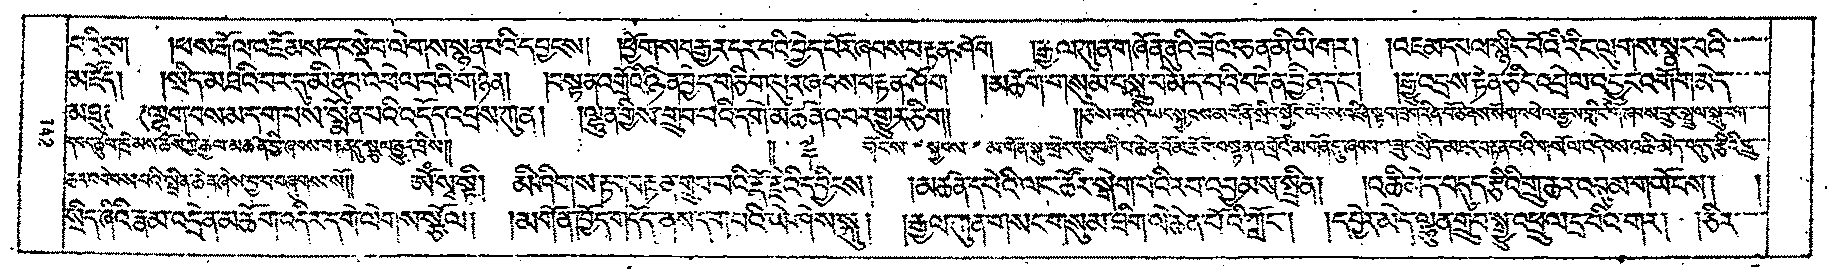པའི་ངག །ཕས་རྒོལ་འཇོམས་དང་སྡེབ་ལེགས་སྙན་པའི་དབྱངས། །ཕྱོགས་བརྒྱར་དར་བའི་བྱེད་པོར་ཞབས་བརྟན་ཤོག །རྒྱལ་ཀུན་གཞོན་ནུའི་ཟོལ་ཅན་མི་ཡི་གར། །འཇམ་དཔལ་སྙིང་པོའི་རིང་ལུགས་སྣང་བའི་
མཛོད༑ ༑སྲིད་མཐའི་བར་དུ་མི་ནུབ་འཕེལ་བའི་གཉེན། །བསྟན་འགྲོའི་ཉིན་བྱེད་གཅིག་པུར་ཞབས་བརྟན་ཤོག །མཆོག་གསུམ་བསླུ་བ་མེད་པའི་བདེན་བྱིན་དང་། །རྒྱུ་འབྲས་རྟེན་ཅིང་འབྲེལ་འབྱུང་འགོག་མེད་
མཐུ༑ ༑ལྷག་བསམ་དག་པས་སྨོན་པའི་འདོད་འབྲས་ཀུན། །ལྷུན་གྱིས་གྲུབ་པའི་དགེ་མཚན་འབར་གྱུར་ཅིག །།།ཅེས་པ་འདི་ཡང་སྐྱབས་མགོན་སྲིད་སྐྱོང་ཡོངས་འཛིན་སྟག་བྲག་རིན་པོ་ཆེ་ནས་སོག་འཕེལ་རྒྱས་གླིང་གི་ཞབས་དྲུང་སྤྲུལ་སྐུ་ངག་
དབང་ཚུལ་ཁྲིམས་ཆོས་ཀྱི་རྒྱལ་མཚན་གྱི་ཞབས་བརྟན་དུ་སྩལ་རྒྱུར་བྲིས།། །། ༈ གོངས་ས་༧སྐྱབས་༧མགོན་སྐུ་ཕྲེང་བཅུ་བཞི་པ་ཆེན་པོ་མཆོག་བསྟན་འགྲོའི་མགོན་དུ་ཞབས་བཟུང་སྲིད་མཐར་བརྟན་པའི་གསོལ་འདེབས་འཆི་མེད་བདུད་རྩིའི་གྲུ་
ཆར་འབེབས་པའི་སྤྲིན་ཆེན་ཞེས་བྱ་བ་བཞུགས་སོ།། ཨོཾ་སྭ་སྟི། མི་ཤིགས་རྟག་བརྟན་གྲུབ་པའི་རྡོ་རྗེའི་དབྱིངས། །མཚན་དཔེའི་ལང་ཚོར་སྒེག་པའི་རབ་འབྱམས་སྤྲིན། །འཆི་མེད་བདུད་རྩིའི་གྲུ་ཆར་འབུམ་གཡོ་པས། །
སྲིད་ཞིའི་རྣམ་འདྲེན་མཆོག་འདིར་དགེ་ལེགས་སྩོལ། །མགོན་ཁྱོད་གདོད་ནས་དག་པའི་ཡེ་ཤེས་སྐུ། །རྒྱལ་ཀུན་གསང་གསུམ་ཐིག་ལེ་ཆེན་པོའི་ཀློང་། །དབྱེར་མེད་ལྷུན་གྲུབ་སྒྱུ་འཕྲུལ་དྲ་བའི་གར། །ཅིར་